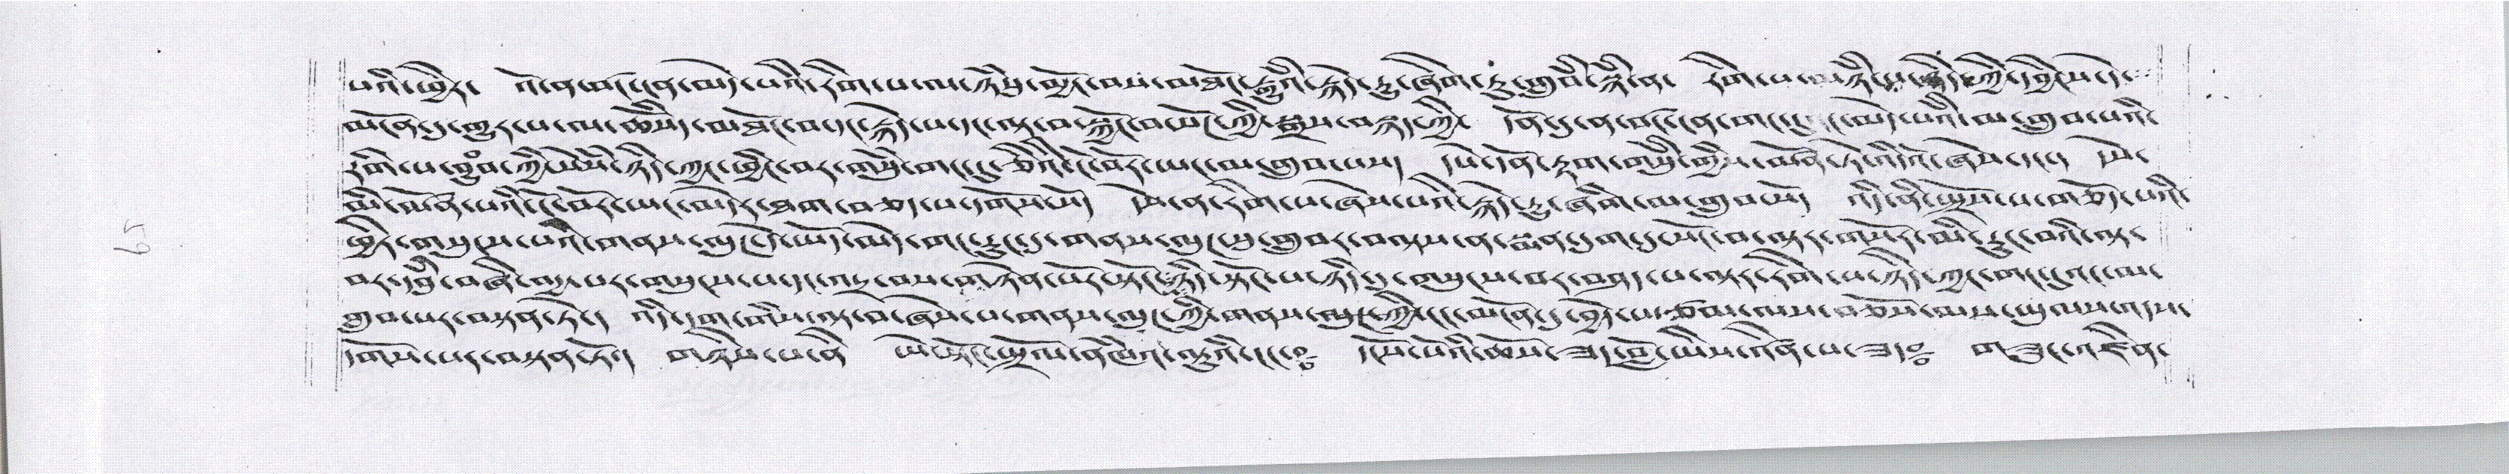པའི་ཕྱིར། འོ་ན་བཟང་ངན་མེད་པའི་རིག་པ་ལ་ཉམས་སུ་མྱོང་བས་མཐོང་རྒྱུའི་རྙེད་རྒྱུ་ཞིག་ཏུ་གྲུབ་བམ་སྙམ་ན། རིག་པ་མཉམ་པ་ཉིད་ཀྱི་དབྱིངས་དེ་
མངོན་དུ་གྱུར་པ་ལ། ཆོས་ཉིད་མཐོང་བ་དང་ལྟ་བ་སྐྱོང་བ་སོགས་ཀྱི་སྒྲས་བསྙད་ཀྱི། དོན་དུ་ན་བཟང་ངན་གང་དུའང་མེད་པའི་མ་གྲུབ་པའི་
རིག་པ་བྱང་ཆུབ་ཀྱི་སེམས་ཉིད་ཀྱང་ཕྱི་ནང་བར་གསུམ་གང་དུ་ཅིའི་ངོ་བོར་ཡང་མ་གྲུབ་པས། དཔེ་དོན་རྟགས་གསུམ་གྱིས་མཚོན་ཏེ་འདིའོ་ཞེས་དང་། དེས་
མི་མཚོན་པའི་ངོ་བོར་ཡང་མེད་པར་ཐག་བཅད་པ་དགོས་སོ། དེས་ན་རིག་པ་ཞེས་པའི་རྙེད་རྒྱུ་ཞིག་མ་གྲུབ་བོ། འདི་ནི་སྤྲོས་པ་གཅོད་པའི་
ཕྱིར་གསུངས་པའི་གནས་ལུགས་དེ་ཡོད་མེད་གང་རུང་དུ་གནས་ལུགས་སུ་གྲུབ་པར་བལྟས་ན་སྨན་དུག་ཏུ་སོང་བ་ལྟར་གསོར་མི་རུང་བའི་ལྟ་
བར་དབུ་མ་བཞི་བརྒྱ་པར་གསུངས་པ་དང་འདྲ་བས་གཉེན་པོར་སྟོང་པ་ཉིད་སྟོང་པ་ཉིད་དུ་གསུངས་པར་བཤད་པ་ལྟར་རིག་པ་ཉིད་ཀྱང་གང་དུའང་མ་
གྲུབ་པར་བསྟན་ཏེ། འདི་དག་གིས་ལྟ་བ་ཞེས་པ་གནས་ལུགས་ཀྱི་ངང་མངོན་དུ་བྱེད་པ་ཙམ་ལས་བཅོས་མས་ཡུལ་ལས་འདས་
དགོས་པར་བསྟན་ཏོ། གཉིས་པ་ནི། ཡེ་སྟོང་སྤྲོས་བྲལ་ནམ་མཁའ་ལྟ་བུའི་ངངཿ དངོས་པོའི་ཆོས་ཟད་བློ་ཡི་འཛིན་པ་ཟདཿ གཟུང་འཛིན་